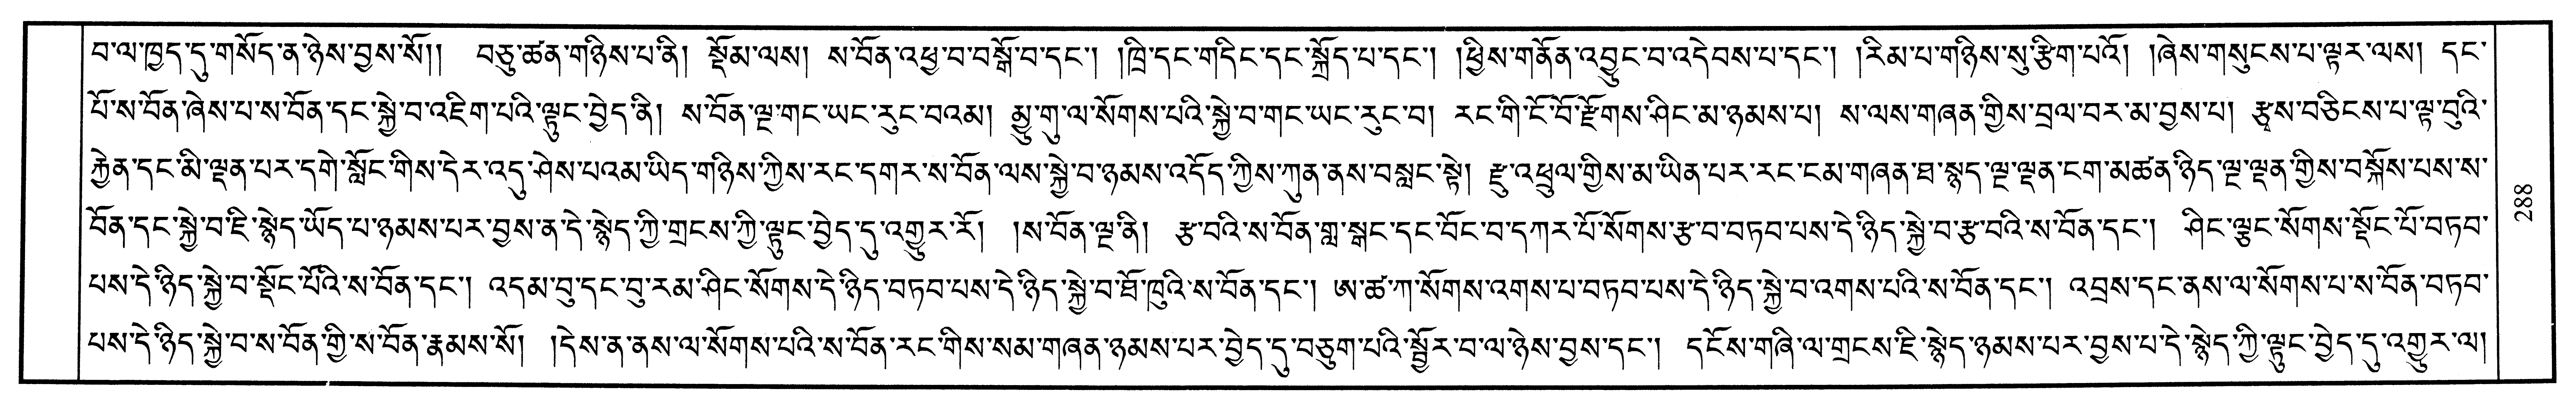བ་ལ་ཁྱད་དུ་གསོད་ན་ཉེས་བྱས་སོ།། བཅུ་ཚན་གཉིས་པ་ནི། སྡོམ་ལས། ས་བོན་འཕྱ་བ་བསྒོ་བ་དང་། །ཁྲི་དང་གདིང་དང་སྐྲོད་པ་དང་། །ཕྱིས་གནོན་འབྱུང་བ་འདེབས་པ་དང་། །རིམ་པ་གཉིས་སུ་རྩིག་པའོ། །ཞེས་གསུངས་པ་ལྟར་ལས། དང་
པོ་ས་བོན་ཞེས་པ་ས་བོན་དང་སྐྱེ་བ་འཇིག་པའི་ལྟུང་བྱེད་ནི། ས་བོན་ལྔ་གང་ཡང་རུང་བའམ། མྱུ་གུ་ལ་སོགས་པའི་སྐྱེ་བ་གང་ཡང་རུང་བ། རང་གི་ངོ་བོ་རྫོགས་ཤིང་མ་ཉམས་པ། ས་ལས་གཞན་གྱིས་བྲལ་བར་མ་བྱས་པ། རྩྭས་བཅིངས་པ་ལྟ་བུའི་
རྐྱེན་དང་མི་ལྡན་པར་དགེ་སློང་གིས་དེར་འདུ་ཤེས་པའམ་ཡིད་གཉིས་ཀྱིས་རང་དགར་ས་བོན་ལས་སྐྱེ་བ་ཉམས་འདོད་ཀྱིས་ཀུན་ནས་བསླང་སྟེ། རྫུ་འཕྲུལ་གྱིས་མ་ཡིན་པར་རང་ངམ་གཞན་ཐ་སྙད་ལྔ་ལྡན་ངག་མཚན་ཉིད་ལྔ་ལྡན་གྱིས་བསྐོས་པས་ས་
བོན་དང་སྐྱེ་བ་ཇི་སྙེད་ཡོད་པ་ཉམས་པར་བྱས་ན་དེ་སྙེད་ཀྱི་གྲངས་ཀྱི་ལྟུང་བྱེད་དུ་འགྱུར་རོ། །ས་བོན་ལྔ་ནི། རྩ་བའི་ས་བོན་གླ་སྒང་དང་བོང་བ་དཀར་པོ་སོགས་རྩ་བ་བཏབ་པས་དེ་ཉིད་སྐྱེ་བ་རྩ་བའི་ས་བོན་དང་། ཤིང་ལྕང་སོགས་སྡོང་པོ་བཏབ་
པས་དེ་ཉིད་སྐྱེ་བ་སྡོང་པོའི་ས་བོན་དང་། འདམ་བུ་དང་བུ་རམ་ཤིང་སོགས་དེ་ཉིད་བཏབ་པས་དེ་ཉིད་སྐྱེ་བ་ཐོ་ཁུའི་ས་བོན་དང་། ཨ་ཚ་ཀ་སོགས་འགས་པ་བཏབ་པས་དེ་ཉིད་སྐྱེ་བ་འགས་པའི་ས་བོན་དང་། འབྲས་དང་ནས་ལ་སོགས་པ་ས་བོན་བཏབ་
པས་དེ་ཉིད་སྐྱེ་བ་ས་བོན་གྱི་ས་བོན་རྣམས་སོ། །དེས་ན་ནས་ལ་སོགས་པའི་ས་བོན་རང་གིས་སམ་གཞན་ཉམས་པར་བྱེད་དུ་བཅུག་པའི་སྦྱོར་བ་ལ་ཉེས་བྱས་དང་། དངོས་གཞི་ལ་གྲངས་ཇི་སྙེད་ཉམས་པར་བྱས་པ་དེ་སྙེད་ཀྱི་ལྟུང་བྱེད་དུ་འགྱུར་ལ།